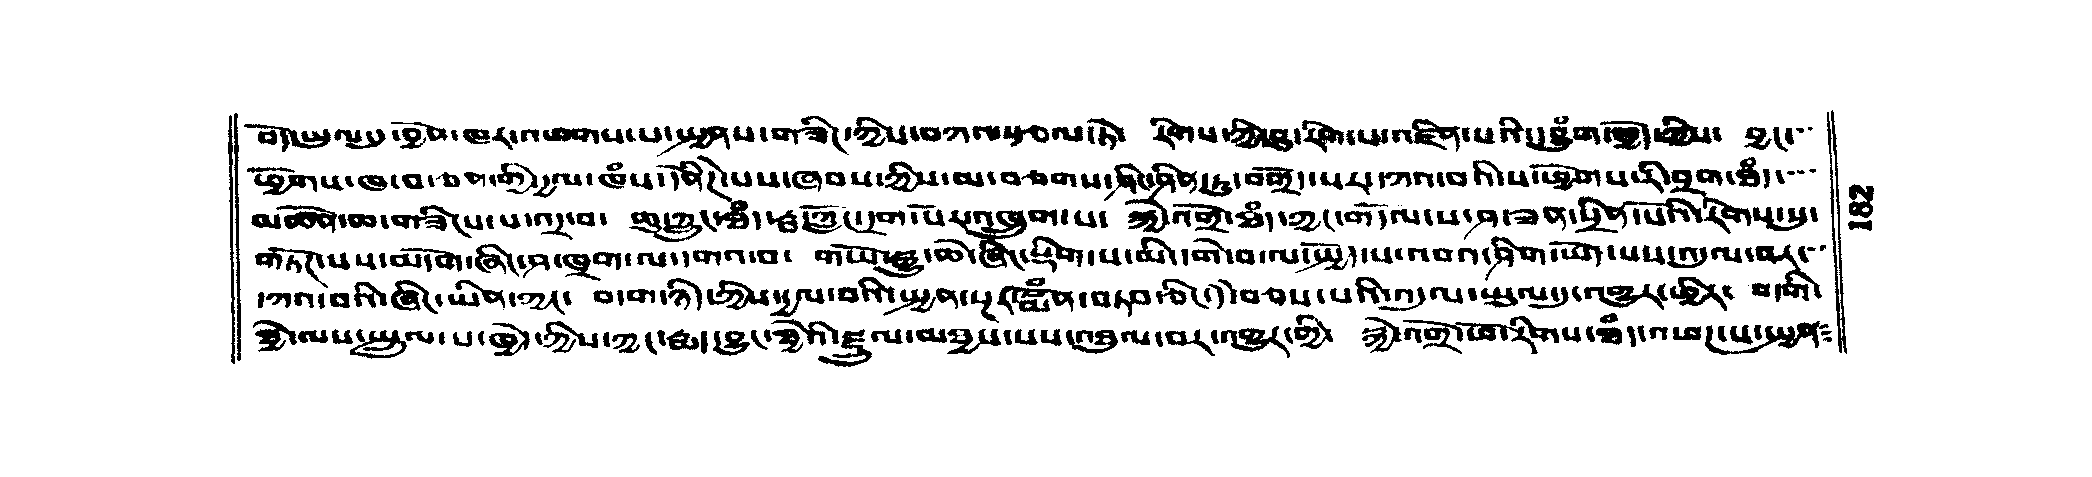བོད་ཡུལ་དུ་བྱོས་ཁར་འཕགས་པ་སྤྱན་རས་གཟིགས་ཀྱིས་བཀའ་སྩལ་ཏེ། རིགས་ཀྱི་བུ་རིག་པ་འཛིན་པའི་དབང་ཕྱུག་ཁྱོད་ཀྱིས། བྱང་
ཕྱོགས་ཁ་བ་ཅན་གྱི་རྒྱལ་ཁནས་དམ་ཅན་དྲ པས་ཞབས་ཀྱིས་མ་བཅགས་ཤིང་ཤིན་ཏུ་བགྲོད་པར་དཀའ་བའི་ས་ཕྱོགས་རི་བྲག་ཐམས་ཅད་
མཚོན་ཆ་གཟིངས་པ་འདྲ་བ། ཆུ་ཀླུང་ཐམས་ཅད་རྦ་ཀློང་དྲག་པོར་འཁྲུག་པ། སྐྱེ་འགྲོ་ཐམས་ཅད་ཀྱང་གདོལ་པ་ཤ་ཟན་སྲིན་པོའི་རིགས་སུ་
གཏོགས་པས་མདོག་ཞིང་ཤ་ཁྲག་ལ་དགའ་བ། གཡོ་སྒྱུ་ཆེ་ཞིང་སྡོག་པ་མི་དགེ་བ་ལ་སྤྱོད་པ་འབའ་ཞིག་ཡོད་པས་འདུལ་བར་
དཀའ་བའི་ཞིང་ཡིན་ཀྱང་། བདག་ཉིད་ཀྱིས་རྒྱལ་བའི་སྤྱན་སྔར་སྨོན་ལམ་བཏབ་ཆིང་དམ་བཅས་པའི་འདུལ་ཡུལ་དུ་འགྱུར་ཕྱིར། བདག་གི་
ཐུགས་རྗེ་ལས་སྤྲུལ་པ་ཁྱེད་ཀྱིས་ཀྱང་རྨད་བྱུང་ཐུགས་རྗེའི་རྫུ་འཕྲུལ་མཐའ་ཡས་པས་འཐུལ་བར་འགྱུར་གྱི། སྐྱེ་འགྲོ་ཕོ་རིགས་ཐམས་ཅད་འཕད་པ་སྤྱན་